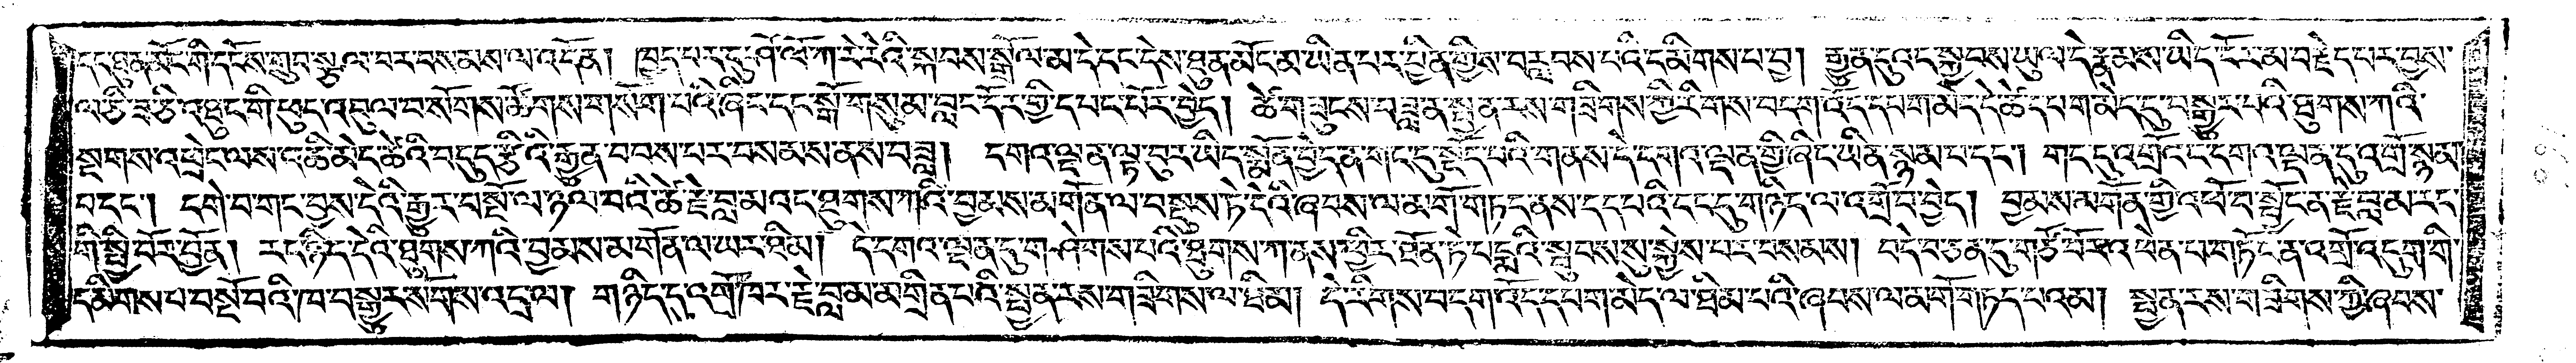དང་ཐུན་མོང་གི་དངོས་གྲུབ་སྩལ་བར་བསམས་ལ་འདོན། ཁྱད་པར་དུ་ཤོ་ལོ་ཀ་རེ་རེའི་སྐབས་སྒྲོལ་མ་དེ་དང་དེས་ཐུན་མོད་མ་ཡིན་པར་བྱིན་གྱིས་བརླབས་པའི་དམིགས་པ་བྱ། རྒྱུན་དུའང་སྐྱབས་ཡུལ་དེ་རྣམས་ཡིད་ངོར་མ་བརྗེད་པར་བྱས་
ལ་ཅི་ཟ་ཅི་འཐུང་གི་ཕུད་འབུལ་བ་སོགས་ཚོགས་གསོག་བའི་ཞིང་དང་སྒོ་གསུམ་བླང་དོར་གྱི་དཔང་པོར་བྱེད། ཚེ་གཟུངས་བཟླ་ན་སྤྱན་རས་གཟིགས་ཀྱི་རིགས་བདག་འོད་དཔག་མེད་དེ་ཚེ་དཔག་མེད་དུ་བསྒྱུར་བའི་ཐུགས་ཀའི་
སྔགས་འཕྲེང་ལས་འཆི་མེད་ཚེའི་བདུད་རྩིའི་རྒྱུན་བབས་པར་བསམས་ནས་བཟླ། དགའ་ལྡན་ལྟ་བུར་ཡིད་སྨོན་བྱེད་ན་གང་དུ་སྡོད་པའི་གནས་དེ་དགའ་ལྡན་གྱི་ཞིང་ཡིན་སྙམ་པ་དང་། གང་དུ་འགྲོའང་དགའ་ལྡན་དུ་འགྲོ་སྙམ་
པ་དང་། དགེ་བ་གང་བྱས་དེའི་རྒྱུར་བསྔོ་ལ་ཉལ་བའི་ཚེ་རྗེ་བླ་མའང་ཐུགས་ཀའི་བྱམས་མགོན་ལ་བསྡུས་ཏེ་དེའི་ཞབས་ལ་མགོ་གཏང་ནས་དད་པའི་ངང་དུ་གཉིད་ལ་འགྲོ་བ་བྱེད། བྱམས་མགོན་གྱི་འཕོ་བ་སྦྱོང་ན་རྗེ་བླ་མ་རང་
གི་སྤྱི་བོར་བྱོན། རང་ཉིད་དེའི་ཐུགས་ཀའི་བྱམས་མགོན་ལ་ཡར་ཐིམ། དེ་དགའ་ལྡན་དུ་གཤེགས་པའི་ཐུགས་ཀ་ནས་ཕྱིར་ཐོན་ཏེ་པདམའི་སྦུབས་སུ་སྐྱེས་པར་བསམས། བདེ་བ་ཅན་དུ་གཙོ་བོར་འཕེན་པ་གཏོང་ན་འགྲོ་འདུག་གི་
དམིགས་པ་བསྔོ་བའི་ཁ་བསྒྱུར་སོགས་འདྲ་ལ། གཉིད་དུ་འགྲོ་ཁར་རྗེ་བླ་མ་མགྲིན་པའི་སྤྱན་རས་གཟིགས་ལ་ཐིམ། དེ་རིགས་བདག་འོད་དཔག་མེད་ལ་ཐིམ་པའི་ཞབས་ལ་མགོ་གཏད་པའམ། སྤྱན་རས་གཟིགས་ཀྱི་ཞབས་